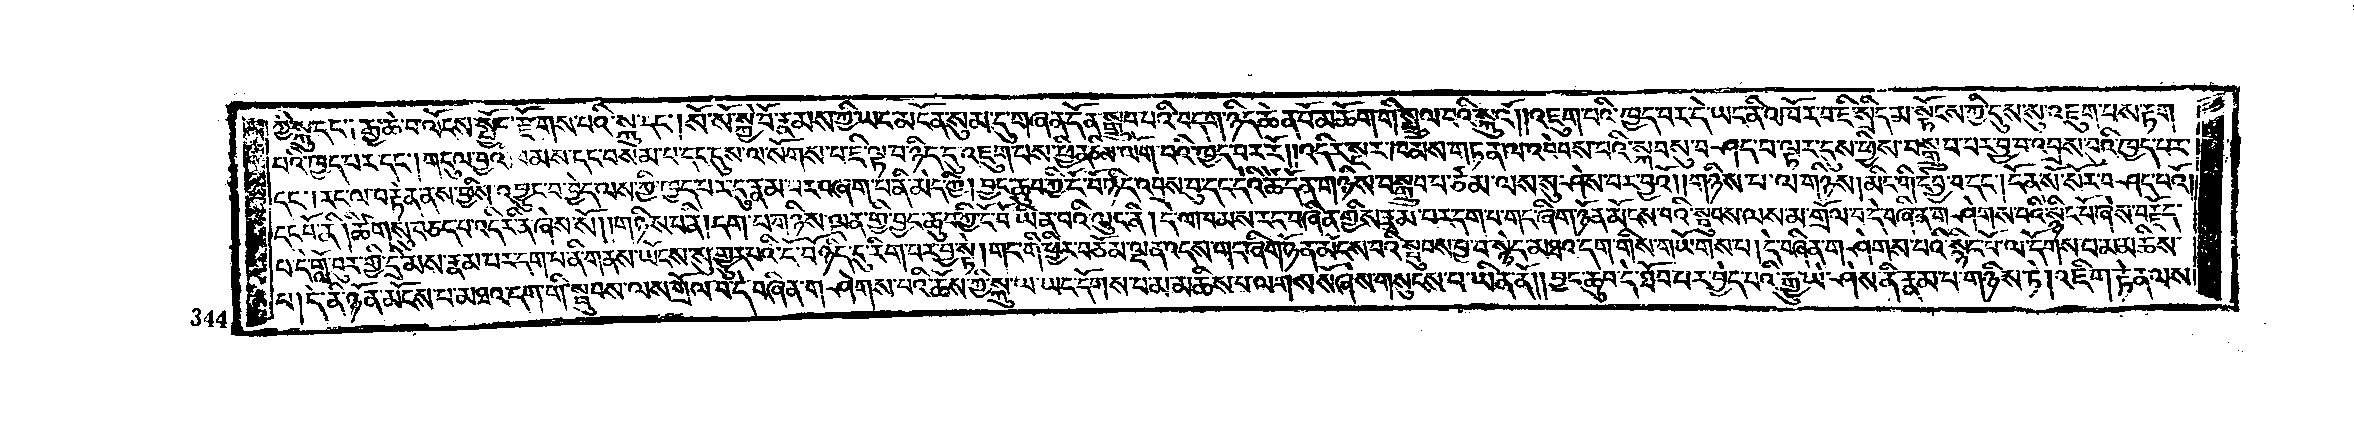ཀྱི་སྐུ་དང་། རྒྱ་ཆེ་བ་ལོངས་སྤྱོད་རྫོགས་པའི་སྐུ་དང་། སོ་སོ་སྐྱེ་བོ་རྣམས་ཀྱི་ཡང་མངོན་སུམ་དུ་གཞན་དོན་སྒྲུབ་པའི་བདག་ཉིད་ཆེན་པོ་མཆོག་གི་སྤྲུལ་པའི་སྐུའོ། །འཇུག་པའི་ཁྱད་པར་དེ་ཡང་ནི་འཁོར་བ་ཇི་སྲིད་མ་སྟོངས་ཀྱི་དུས་སུ་འཇུག་པས་རྟག་
པའི་ཁྱད་པར་དང་། གདུལ་བྱའི་ཁམས་དང་བསམ་པ་དང་དུས་ལ་སོགས་པ་ཇི་ལྟ་བ་ཉིད་དུ་འཇུག་པས་ཕྱིན་ཅི་མ་ལོག་པའི་ཁྱད་པར་རོ། །འདིར་སྔར་ཁམས་གཏན་ལ་འབེབས་པའི་སྐབས་སུ་བཤད་པ་ལྟར་དུས་ཕྱིས་བསྒྲུབ་པར་བྱ་བ་འབྲས་བུའི་ཁྱད་པར་
དང༑ རང་ལ་བརྟེན་ནས་ཕྱིས་འབྱུང་བ་བྱེད་ལས་ཀྱི་ཁྱད་པར་དུ་རྣམ་པར་བཞག་པ་ནི་མེད་ཀྱི། བྱང་ཆུབ་ཀྱི་ངོ་བོ་ཉིད་འབྲས་བུ་དང་དེའི་ཚེ་དོན་གཉིས་བསྒྲུབ་པ་ཙམ་ལས་སུ་ཤེས་པར་བྱའོ། །གཉིས་པ་ལ་གཉིས། མིང་གི་དབྱེ་བ་དང་། དོན་སོ་སོར་བཤད་པའོ། །
དང་པོ་ནི། ཚིགས་སུ་བཅད་པ་འདིར་ནི་ཞེས་སོ། །གཉིས་པ་ནི། དག་པ་གཉིས་ལྡན་གྱི་བྱང་ཆུབ་ཀྱི་ངོ་བོ་ཡིན་པའི་ལུང་ནི། དེ་ལ་ཁམས་རང་བཞིན་གྱིས་རྣམ་པར་དག་པ་གང་ཞིག་ཉོན་མོངས་པའི་སྤུབས་ལས་མ་གྲོལ་བ་དེ་བཞིན་གཤེགས་པའི་སྙིང་པོ་ཞེས་བརྗོད་
པ་དེ་གློ་བུར་གྱི་དྲི་མས་རྣམ་པར་དག་པ་ནི་གནས་ཡོངས་སུ་གྱུར་པའི་ངོ་བོ་ཉིད་དུ་རིག་པར་བྱ་སྟེ། གང་གི་ཕྱིར་བཅོམ་ལྡན་འདས་གང་ཞིག་ཉོན་མོངས་པའི་སྦུབས་བྱ་བ་སྙེད་མཐའ་དག་གིས་གཡོགས་པ། དེ་བཞིན་གཤེགས་པའི་སྙིང་པོ་ལ་དོགས་པ་མ་མཆིས་
པ༑ དེ་ནི་ཉོན་མོངས་པ་མཐའ་དག་གི་སྦུབས་ལས་གྲོལ་བ་དེ་བཞིན་གཤེགས་པའི་ཆོས་ཀྱི་སྐུ་ལ་ཡང་དོགས་པ་མ་མཆིས་པ་ལགས་སོ་ཞེས་གསུངས་པ་ཡིན་ནོ། །བྱང་ཆུབ་དེ་ཐོབ་པར་བྱེད་པའི་རྒྱུ་ཡེ་ཤེས་ནི་རྣམ་པ་གཉིས་ཏེ། འཇིག་རྟེན་ལས་